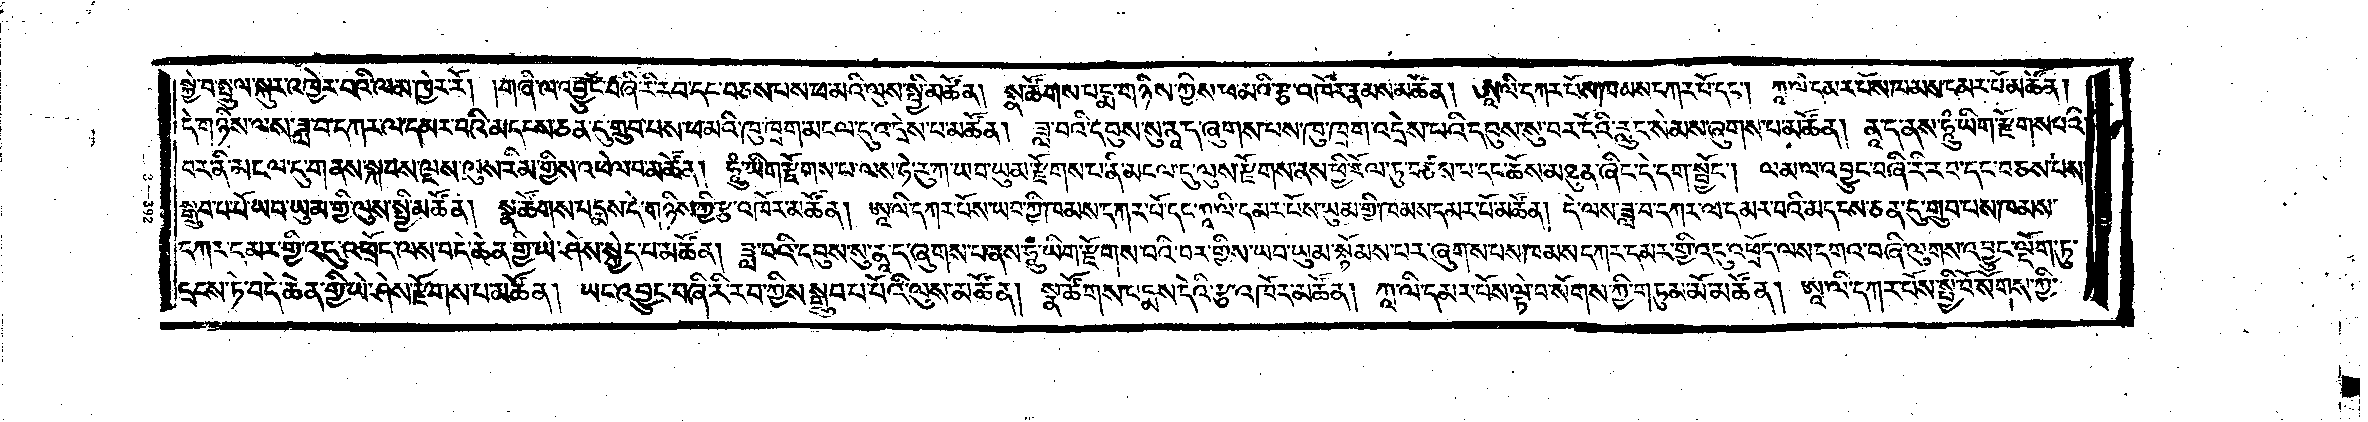ཉེ?་བ་སྤྲུལ་སྐུར་འཁྱེར་བའི་ལམ་ཁྱེར་རོ། །གཞི་ལ་འབྱུང་བཞི་རི་རབ་དང་བཅས་པས་ཕ་མའི་ལུས་སྤྱི་མཚོན། སྣ་ཚོགས་པདམ་གཉིས་ཀྱིས་ཕ་མའི་རྩ་འཁོར་རྣམས་མཚོན། ཨཱ་ལི་དཀར་པོས་ཁམས་དཀར་པོ་དང་། ཀཱ་ལེ་དམར་པོས་ཁམས་དམར་པོ་མཚོན།
དེ་གཉིས་ལས་ཟླ་བ་དཀར་ལ་དམར་བའི་མདངས་ཅན་དུ་གྲུབ་པས་ཕ་མའི་ཁུ་ཁྲག་མངལ་དུ་འདྲེས་པ་མཚོན། ཟླ་བའི་དབུས་སུ་ནཱ་ད་ཞུགས་པས་ཁུ་ཁྲག་འདྲེས་པའི་དབུས་སུ་བར་དོའི་རླུང་སེམས་ཞུགས་པ་མཚོན། ནཱ་ད་ནས་ཧཱུཾ་ཡིག་རྫོགས་པའི་
བར་ནི་མངལ་དུ་གནས་སྐབས་ལྔས་ལུས་རིམ་གྱིས་འཕེལ་བ་མཚོན། ཧཱུཾ་ཡིག་རྫོགས་པ་ལས་ཧེ་རུ་ཀ་ཡབ་ཡུམ་རྫོགས་པ་ནི་མངལ་དུ་ལུས་རྫོགས་ནས་ཕྱི་རོལ་ཏུ་བཙས་པ་དང་ཆོས་མཐུན་ཞིང་དེ་དག་སྦྱོང་། ལམ་ལ་འབྱུང་བཞི་རི་རབ་དང་བཅས་པས་
སྒྲུབ་པ་པོ་ཡབ་ཡུམ་གྱི་ལུས་སྤྱི་མཚོན། སྣ་ཚོགས་པདམས་དེ་གཉིས་ཀྱི་རྩ་འཁོར་མཚོན། ཨཱ་ལི་དཀར་པོས་ཡབ་ཀྱི་ཁམས་དཀར་པོ་དང་ཀཱ་ལི་དམར་པོས་ཡུམ་གྱི་ཁམས་དམར་པོ་མཚོན། དེ་ལས་ཟླ་བ་དཀར་ལ་དམར་བའི་མདངས་ཅན་དུ་གྲུབ་པས་ཁམས་
དཀར་དམར་གྱི་འདུ་འཕྲོད་ལས་བདེ་ཆེན་གྱི་ཡེ་ཤེས་སྐྱེད་པ་མཚོན། ཟླ་བའི་དབུས་སུ་ནཱ་ད་ཞུགས་པ་ནས་ཧཱུཾ་ཡིག་རྫོགས་པའི་བར་གྱིས་ཡབ་ཡུམ་སྙོམས་པར་ཞུགས་པས་ཁམས་དཀར་དམར་གྱི་འདུ་འཕྲོད་ལས་དགའ་བཞི་ལུགས་འབྱུང་ལྡོག་ཏུ་
དྲངས་ཏེ་བདེ་ཆེན་གྱི་ཡེ་ཤེས་རྫོགས་པ་མཚོན། ཡང་འབྱུང་བཞི་རི་རབ་ཀྱིས་སྒྲུབ་པ་པོའི་ལུས་མཚོན། སྣ་ཚོགས་པདམས་དེའི་རྩ་འཁོར་མཚོན། ཀཱ་ལི་དམར་པོས་ལྟེ་བ་སོགས་ཀྱི་གཏུམ་མོ་མཚོན། ཨཱ་ལི་དཀར་པོས་སྤྱི་བོ་སོགས་ཀྱི་